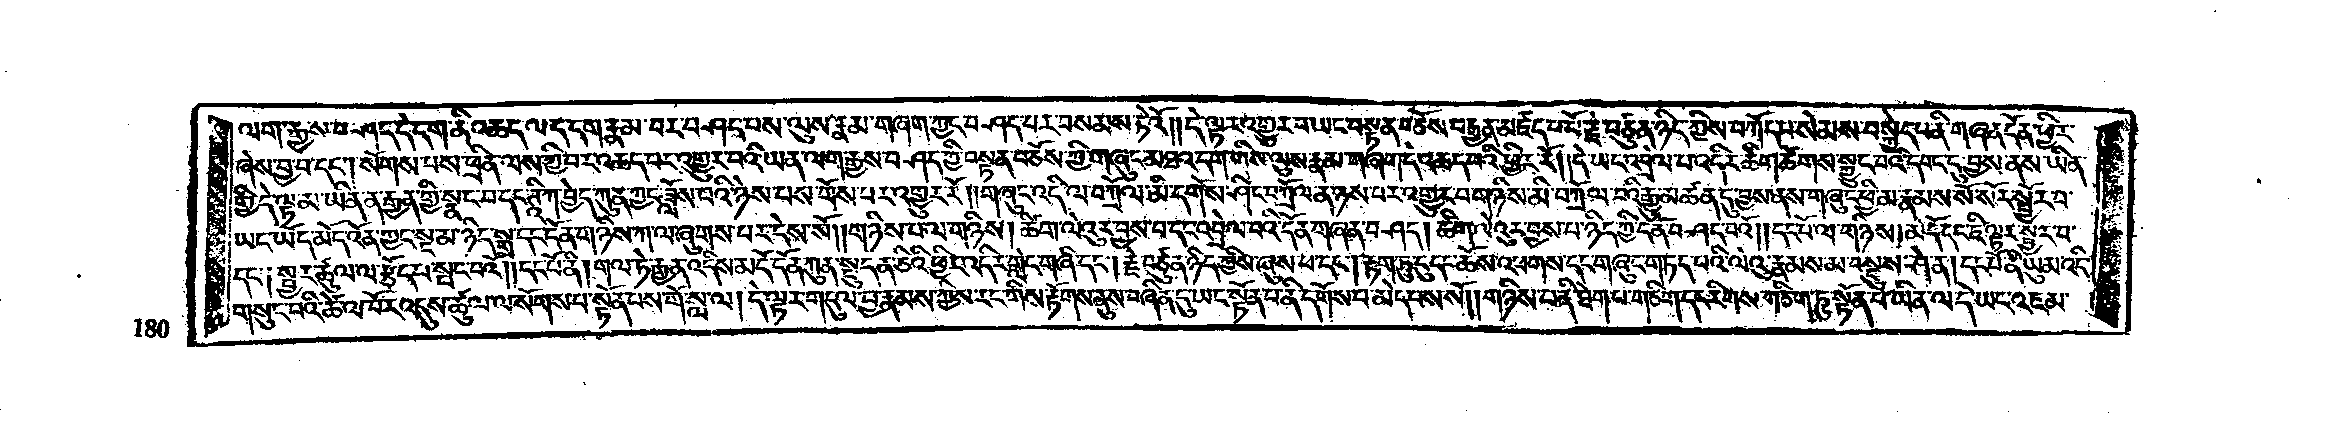ལག་རྒྱས་བཤད་དེ་དག་ནི་འཆད་ལ་དེ་དག་རྣམ་པར་བཤད་པས་ལུས་རྣམ་གཞག་ཀྱང་བཤད་པར་བསམས་ཏེའོ། །དེ་ལྟར་འགྱུར་བ་ཡང་བསྟན་བཅོས་བརྒྱན་མཛད་པ་པོ་རྗེ་བཙུན་ཉིད་ཀྱིས་བཀོད་པ་སེམས་བསྐྱེད་པ་ནི་གཞན་དོན་ཕྱིར་
ཞེས་བྱ་བ་དང་། སོགས་པས་ཕྲིན་ལས་ཀྱི་བར་འཆད་པར་འགྱུར་བའི་ཡན་ལག་རྒྱས་བཤད་ཀྱི་བསྟན་བཅོས་ཀྱི་གཞུང་མཐའ་དག་གིས་ལུས་རྣམ་གཞག་དེ་འཆད་པའི་ཕྱིར་རོ། །དེ་ཡང་འབྲེལ་པ་འདིར་ཚིག་ཚོགས་སྐྱུང་བའི་དབང་དུ་བྱས་ནས་ཡིན་
གྱི་དེ་ལྟ་མ་ཡིན་ན་རྒྱན་གྱི་སྣང་བ་དང་ཊཱི་ཀ་བྱེད་ཀུན་ཀྱང་ཟློས་པའི་ཉེས་པས་གོས་པར་འགྱུར་རོ། །གཞུང་འདི་ལ་བཀྲོལ་མི་དགོས་ཤིང་བཀྲོལ་ན་ཉེས་པར་འགྱུར་བ་གཉིས་མི་བཀྲོལ་བའི་རྒྱུ་མཚན་དུ་བྱས་ནས་གཞུང་ཕྱི་མ་རྣམས་སོ་སོར་སྦྱོར་བ་
ཡང་ཡོད་མོད་འོན་ཀྱང་སྔ་མ་ཉིད་སྒྲ་དང་དོན་གཉིས་ཀ་ལ་ཞུགས་པར་ངེས་སོ། །གཉིས་པ་ལ་གཉིས། ཚིག་ལེའུར་བྱས་པ་དང་འབྲེལ་བའི་དོན་གཞན་བཤད། ཚིག་ལེའུར་བྱས་པ་ཉིད་ཀྱི་དོན་བཤད་པའོ། །དང་པོ་ལ་གཉིས། མདོ་དང་ཇི་ལྟར་སྦྱར་བ་
དང་། སྦྱར་ཚུལ་ལ་རྩོད་པ་སྤང་བའོ། །དང་པོ་ནི། གལ་ཏེ་རྒྱན་འདིས་མདོ་དོན་ཀུན་སྡུད་ན་ཅིའི་ཕྱིར་འདིར་གླེང་གཞི་དང་། རྗེ་བཙུན་ཉིད་ཀྱིས་ཞུས་པ་དང་། རྟག་ཏུ་དུ་དང་ཆོས་འཕགས་དང་གཞུང་གཏད་པའི་ལེའུ་རྣམས་མ་བསྡུས་ཤེ་ན། དང་པོ་ནི་ཡུམ་འདི་
གསུང་བའི་ཚེ་འཁོར་འདུས་ཚུལ་ལ་སོགས་པ་སྟོན་པས་གོ་སླ་ལ། དེ་ལྟར་གདུལ་བྱ་རྣམས་ཀྱིས་རང་གིས་རྟོགས་ནུས་བཞིན་དུ་ཡང་སྟོན་པ་ནི་དགོས་པ་མེད་པས་སོ། །གཉིས་པ་ནི་ཐེག་པ་གཅིག་དང་རིགས་གཅིག་ཏུ་སྟོན་པ་ཡིན་ལ་དེ་ཡང་འཇམ་